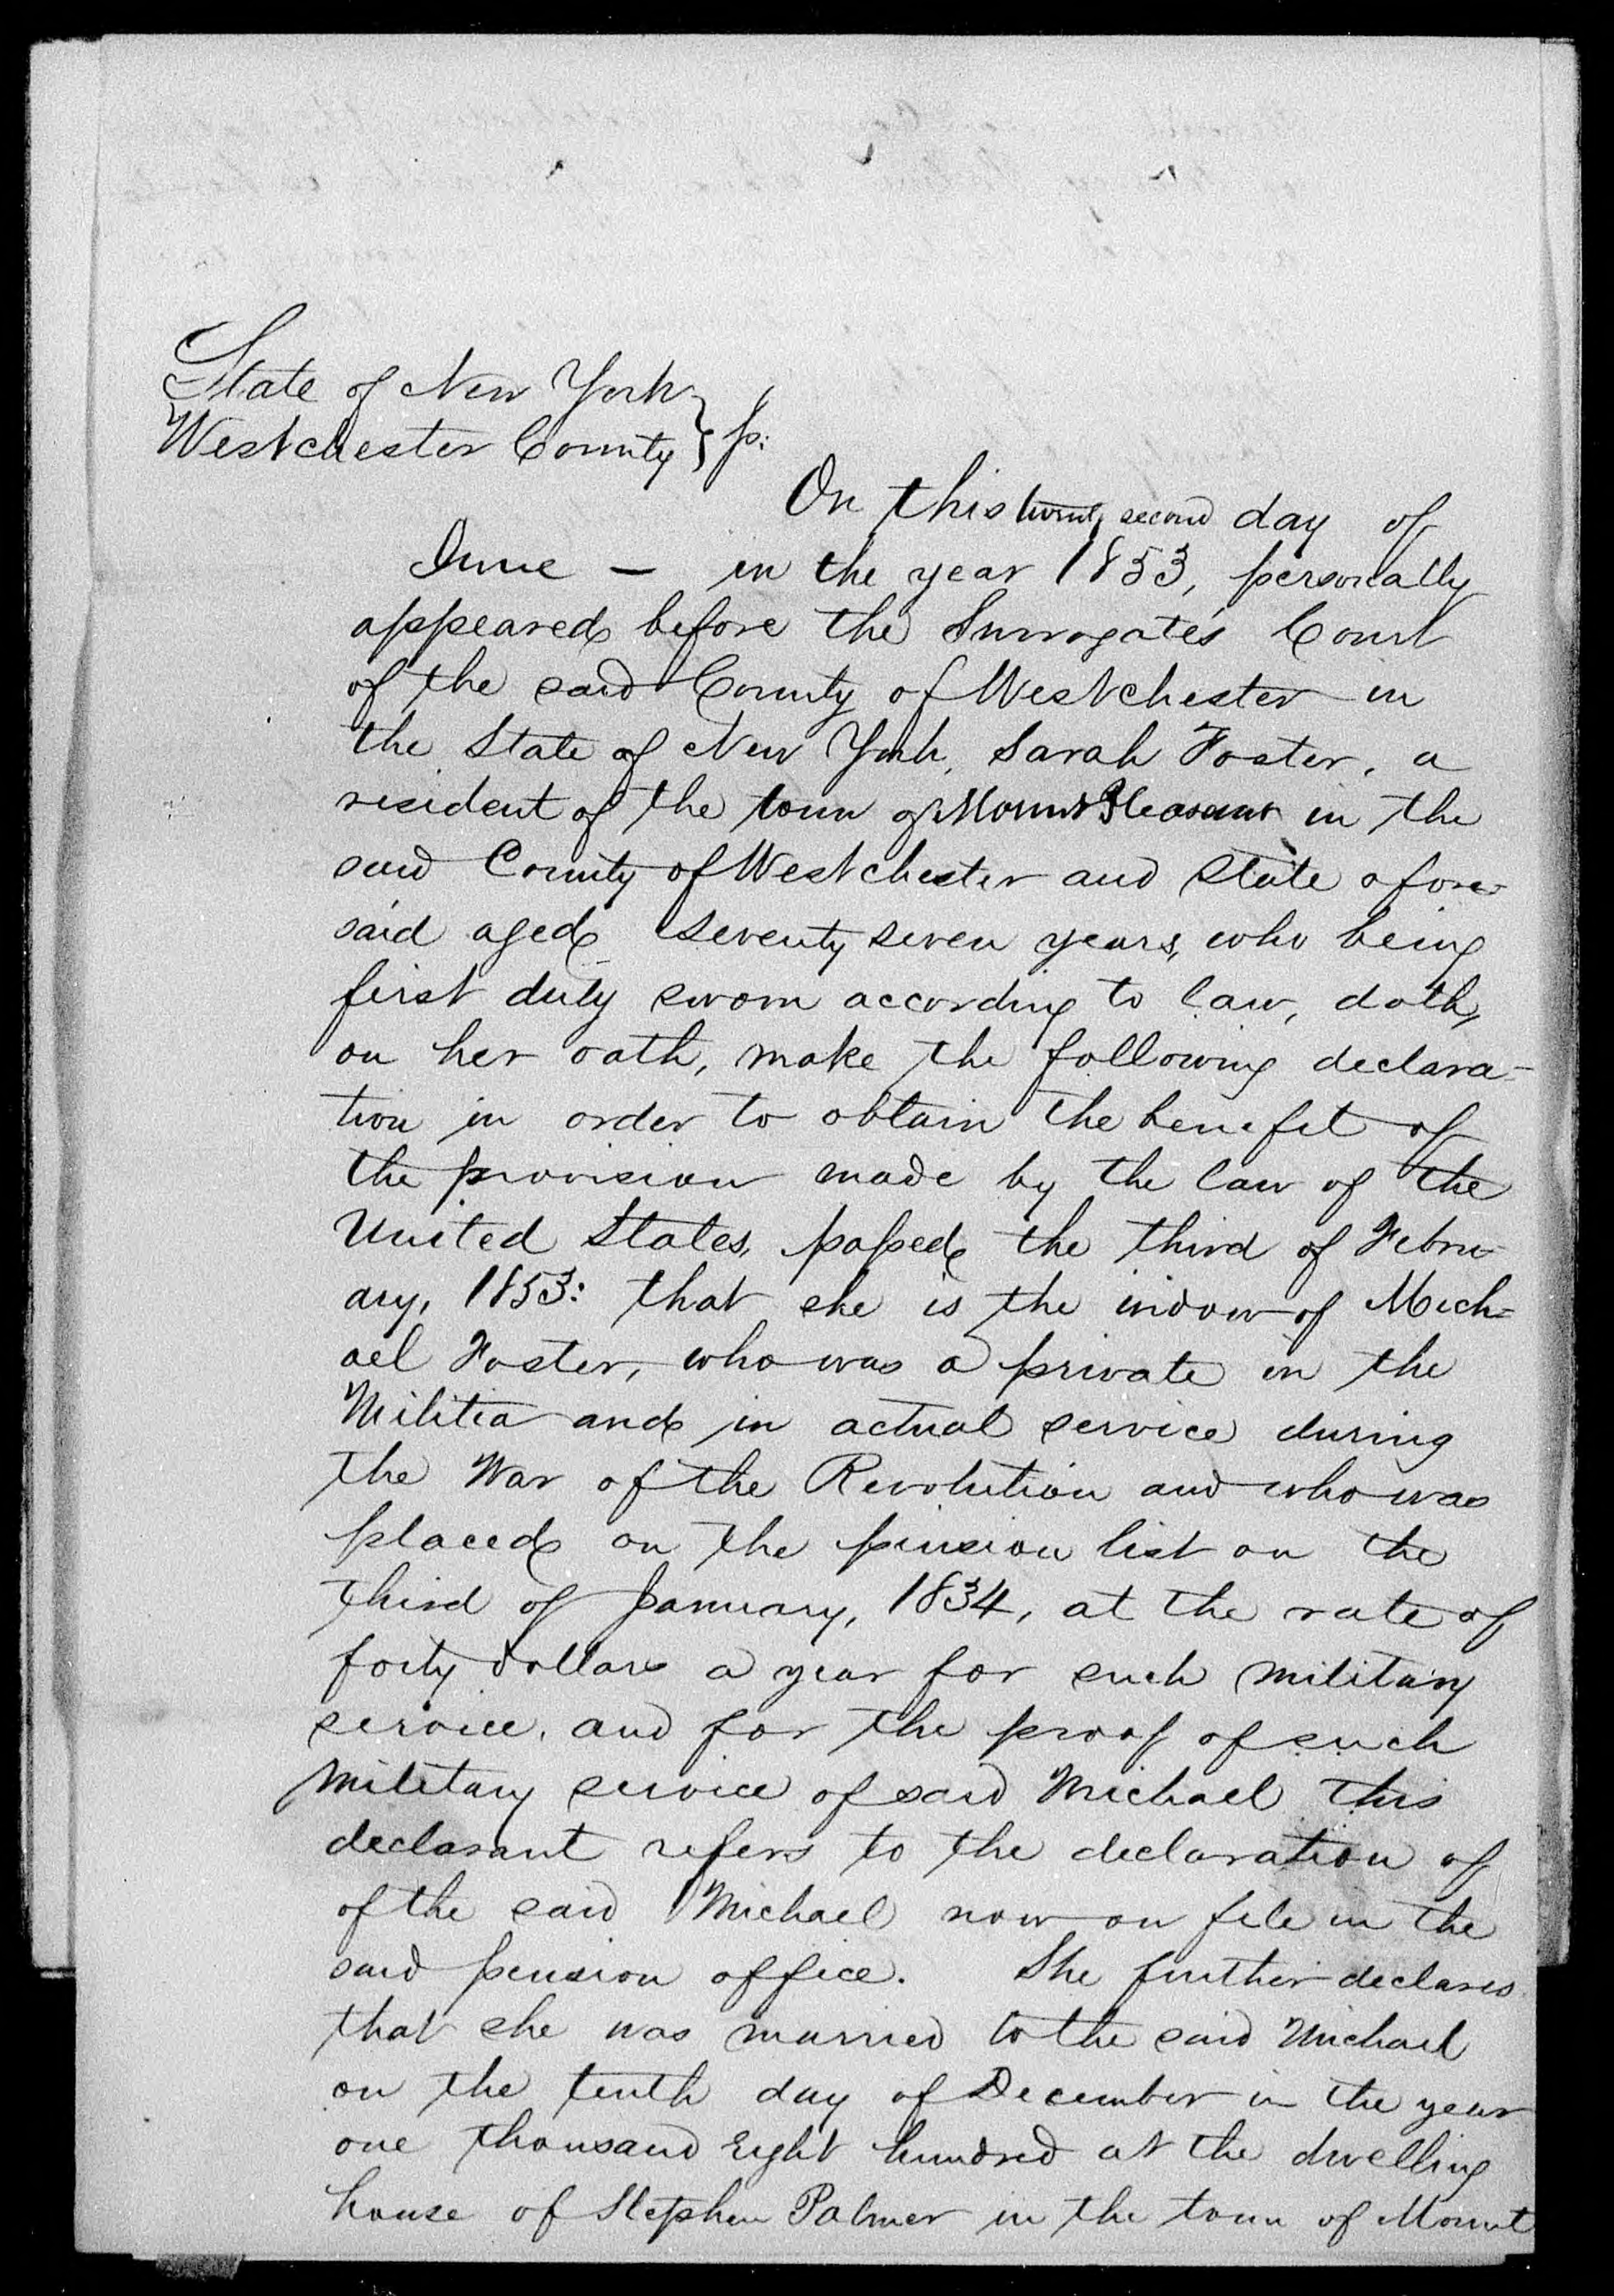State of New York
Westchester County SS

On this twenty second day of June-in the year 1853, personally appeared before the Surrogates Court of the said County of Westchester in the State of New York, Sarah Foster, a resident of the town of Mount Pleasant in the said County of Westchester and State afore said aged seventy seven years, who being first duly sworn according to law, doth, on her oath, make the following declaration in order to obtain the benefit of the provision made by the law of the United States, passed the third of February, 1853: that she is the widow of Michael Foster, who was a private in the Militia and in actual service during the War of the Revolution and who was placed on the pension list on the third of January, 1834, at the rate of forty dollars a year for such military service, and for the proof of such military service of said Michael this declarant refers to the declaration of the said Michael now on file in the said pension office. She further declares that she was married to the said Michael on the tenth day of December in the year one thousand eight hundred at the dwelling house of Stephen Palmer in the town of Mount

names: Michael, Michael Foster, Stephen Palmer, Michael, Sarah Foster, Michael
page: 17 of 57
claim: widow's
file: W. 5275 1/2, Michael Foster, Penn.